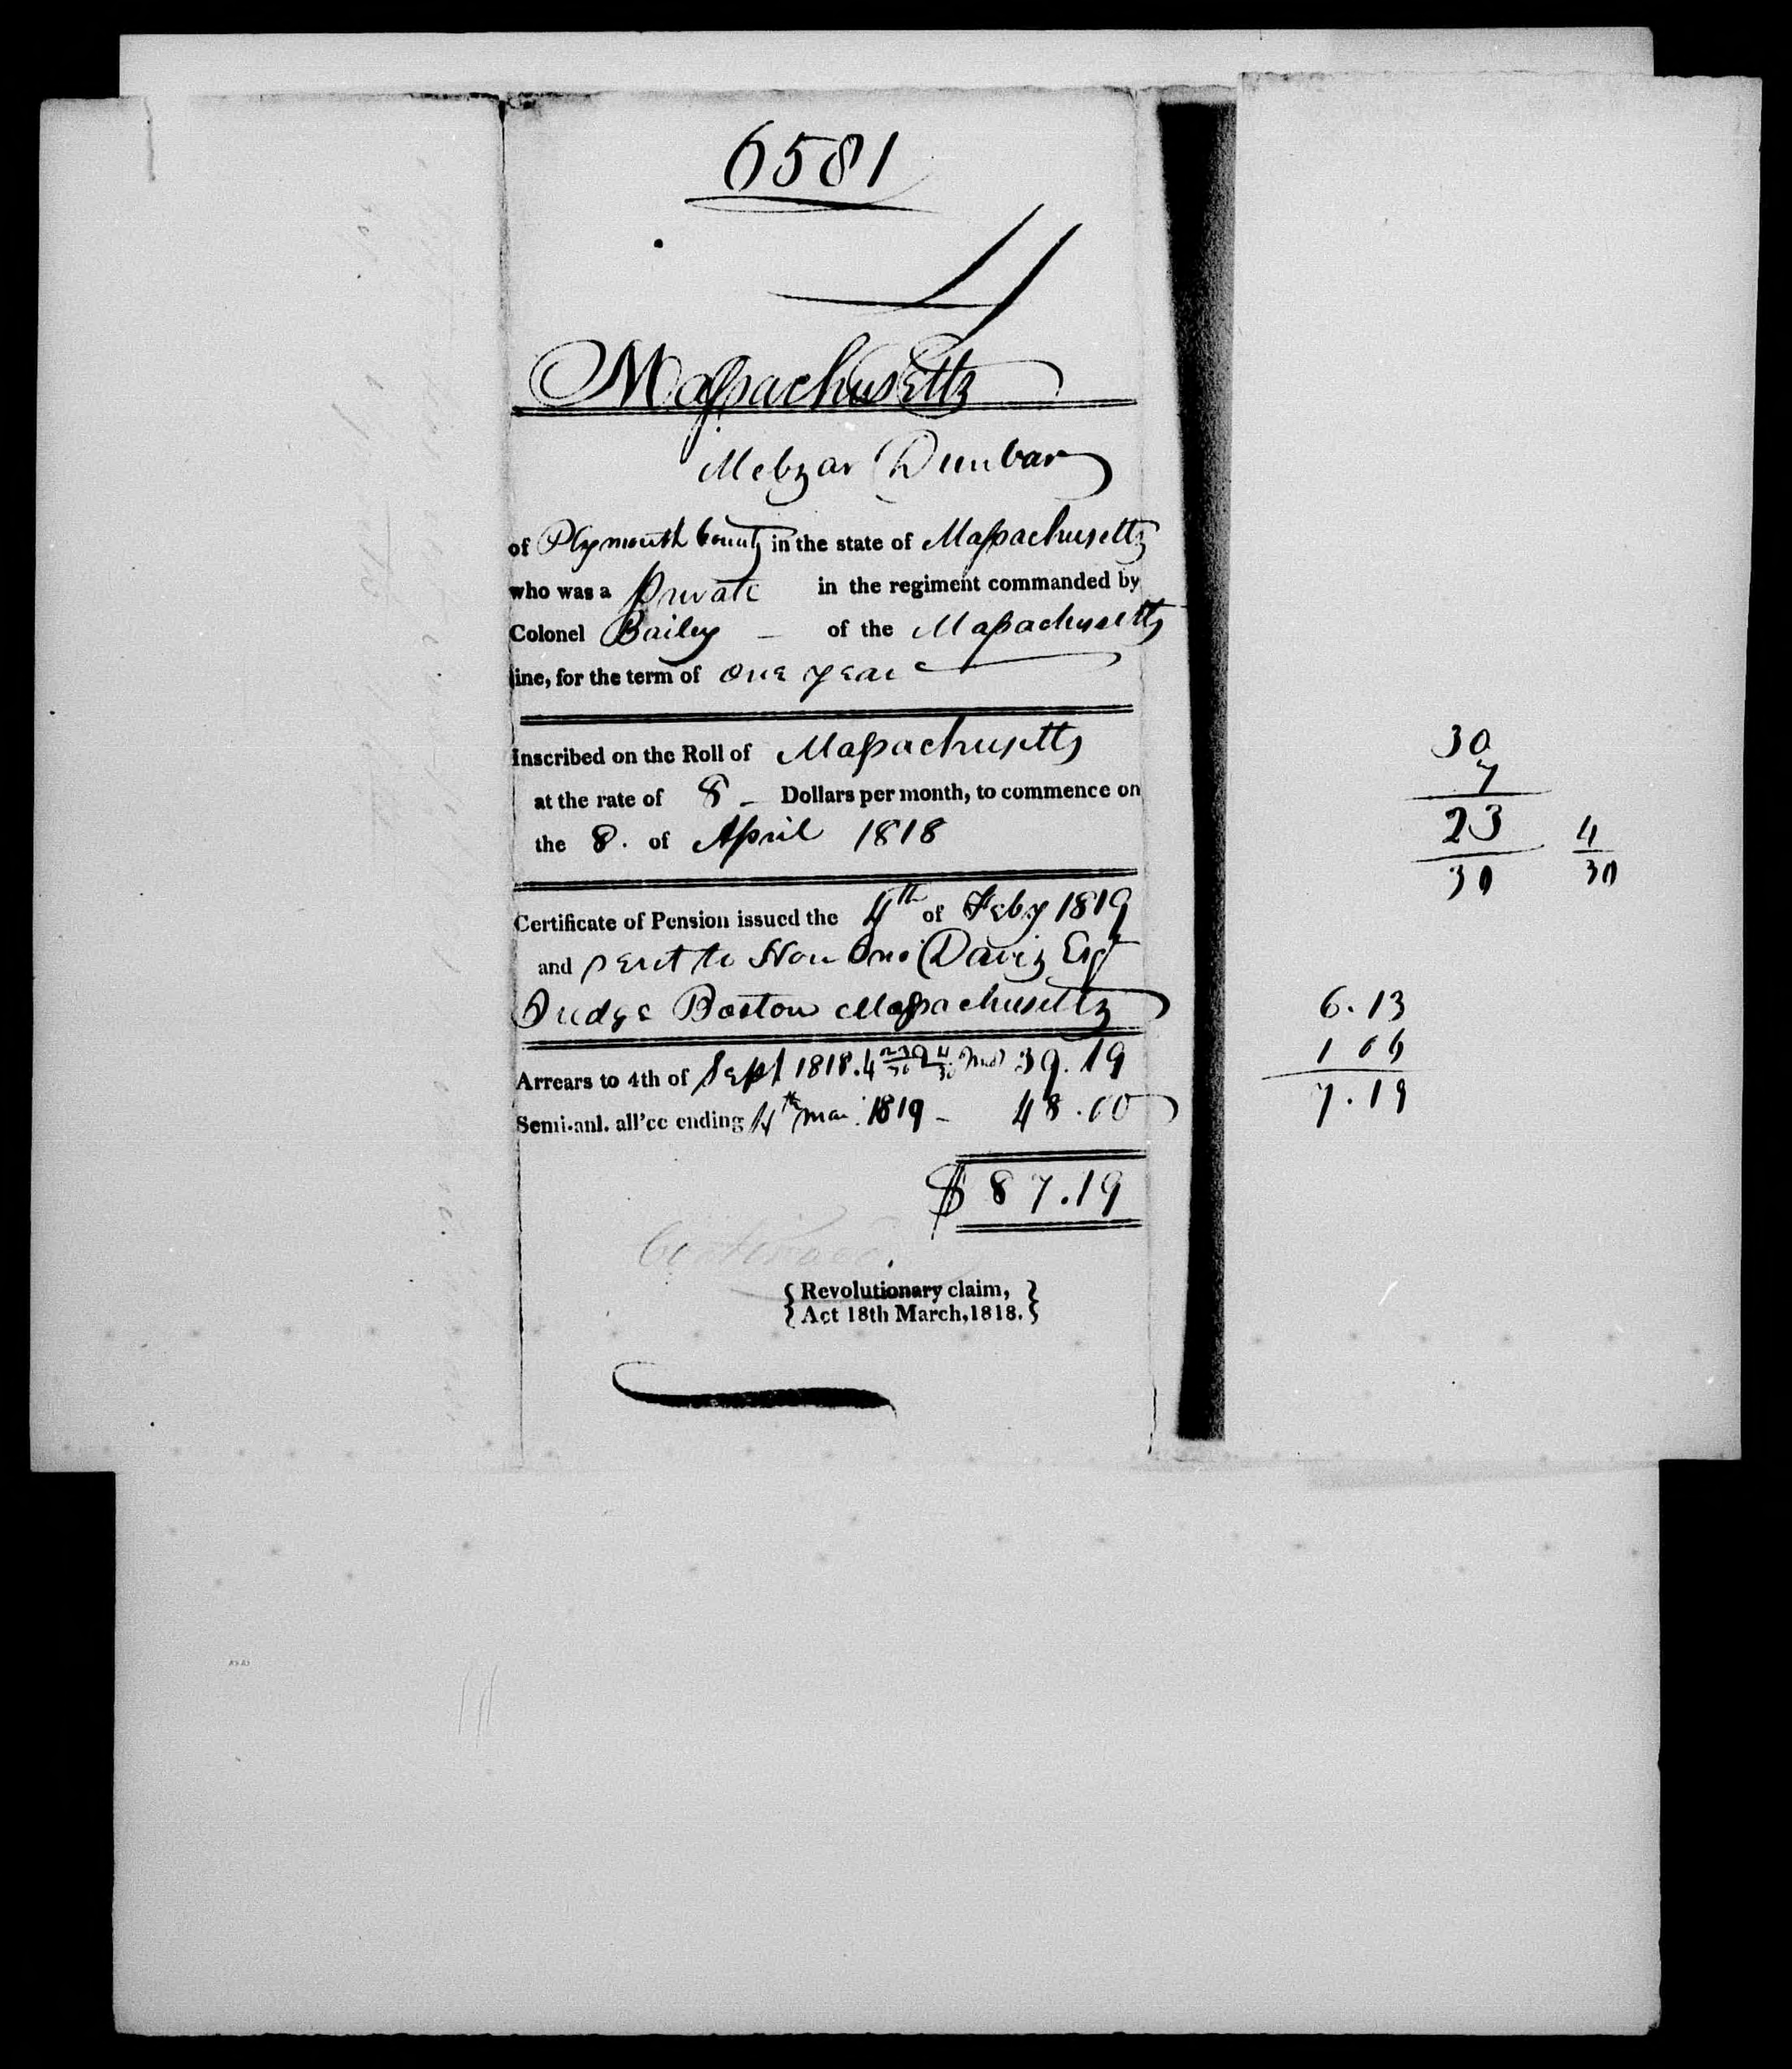6581


Massachusetts

Melzbar Dunbar

of Plymouth County in the state of Massachusetts who was a private in the regiment commanded by Colonel Bailey of the Massachusetts line, for the term of one year. 

Inscribed on the Roll of Massachusetts at the rate of 8 Dollars per month, to commence on the 8th of April 1818.


Certificate of Pension issued the 4th day of February 1819 and sent to Hon. John Davis  Esq. 
Judge Boston Massachusetts

Arrears to 4th of Sept. 1818  $39.19
Semi-anl all'ce ending 4 March 1819 - $48.00

$87.19


{Revolutionary claim,}
{Act 18th March, 1818}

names: Jno Davis, Bailey, Melzar Dunbar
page: 3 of 26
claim: widow's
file: W. 14657, Melzar Dunbar, Mass.